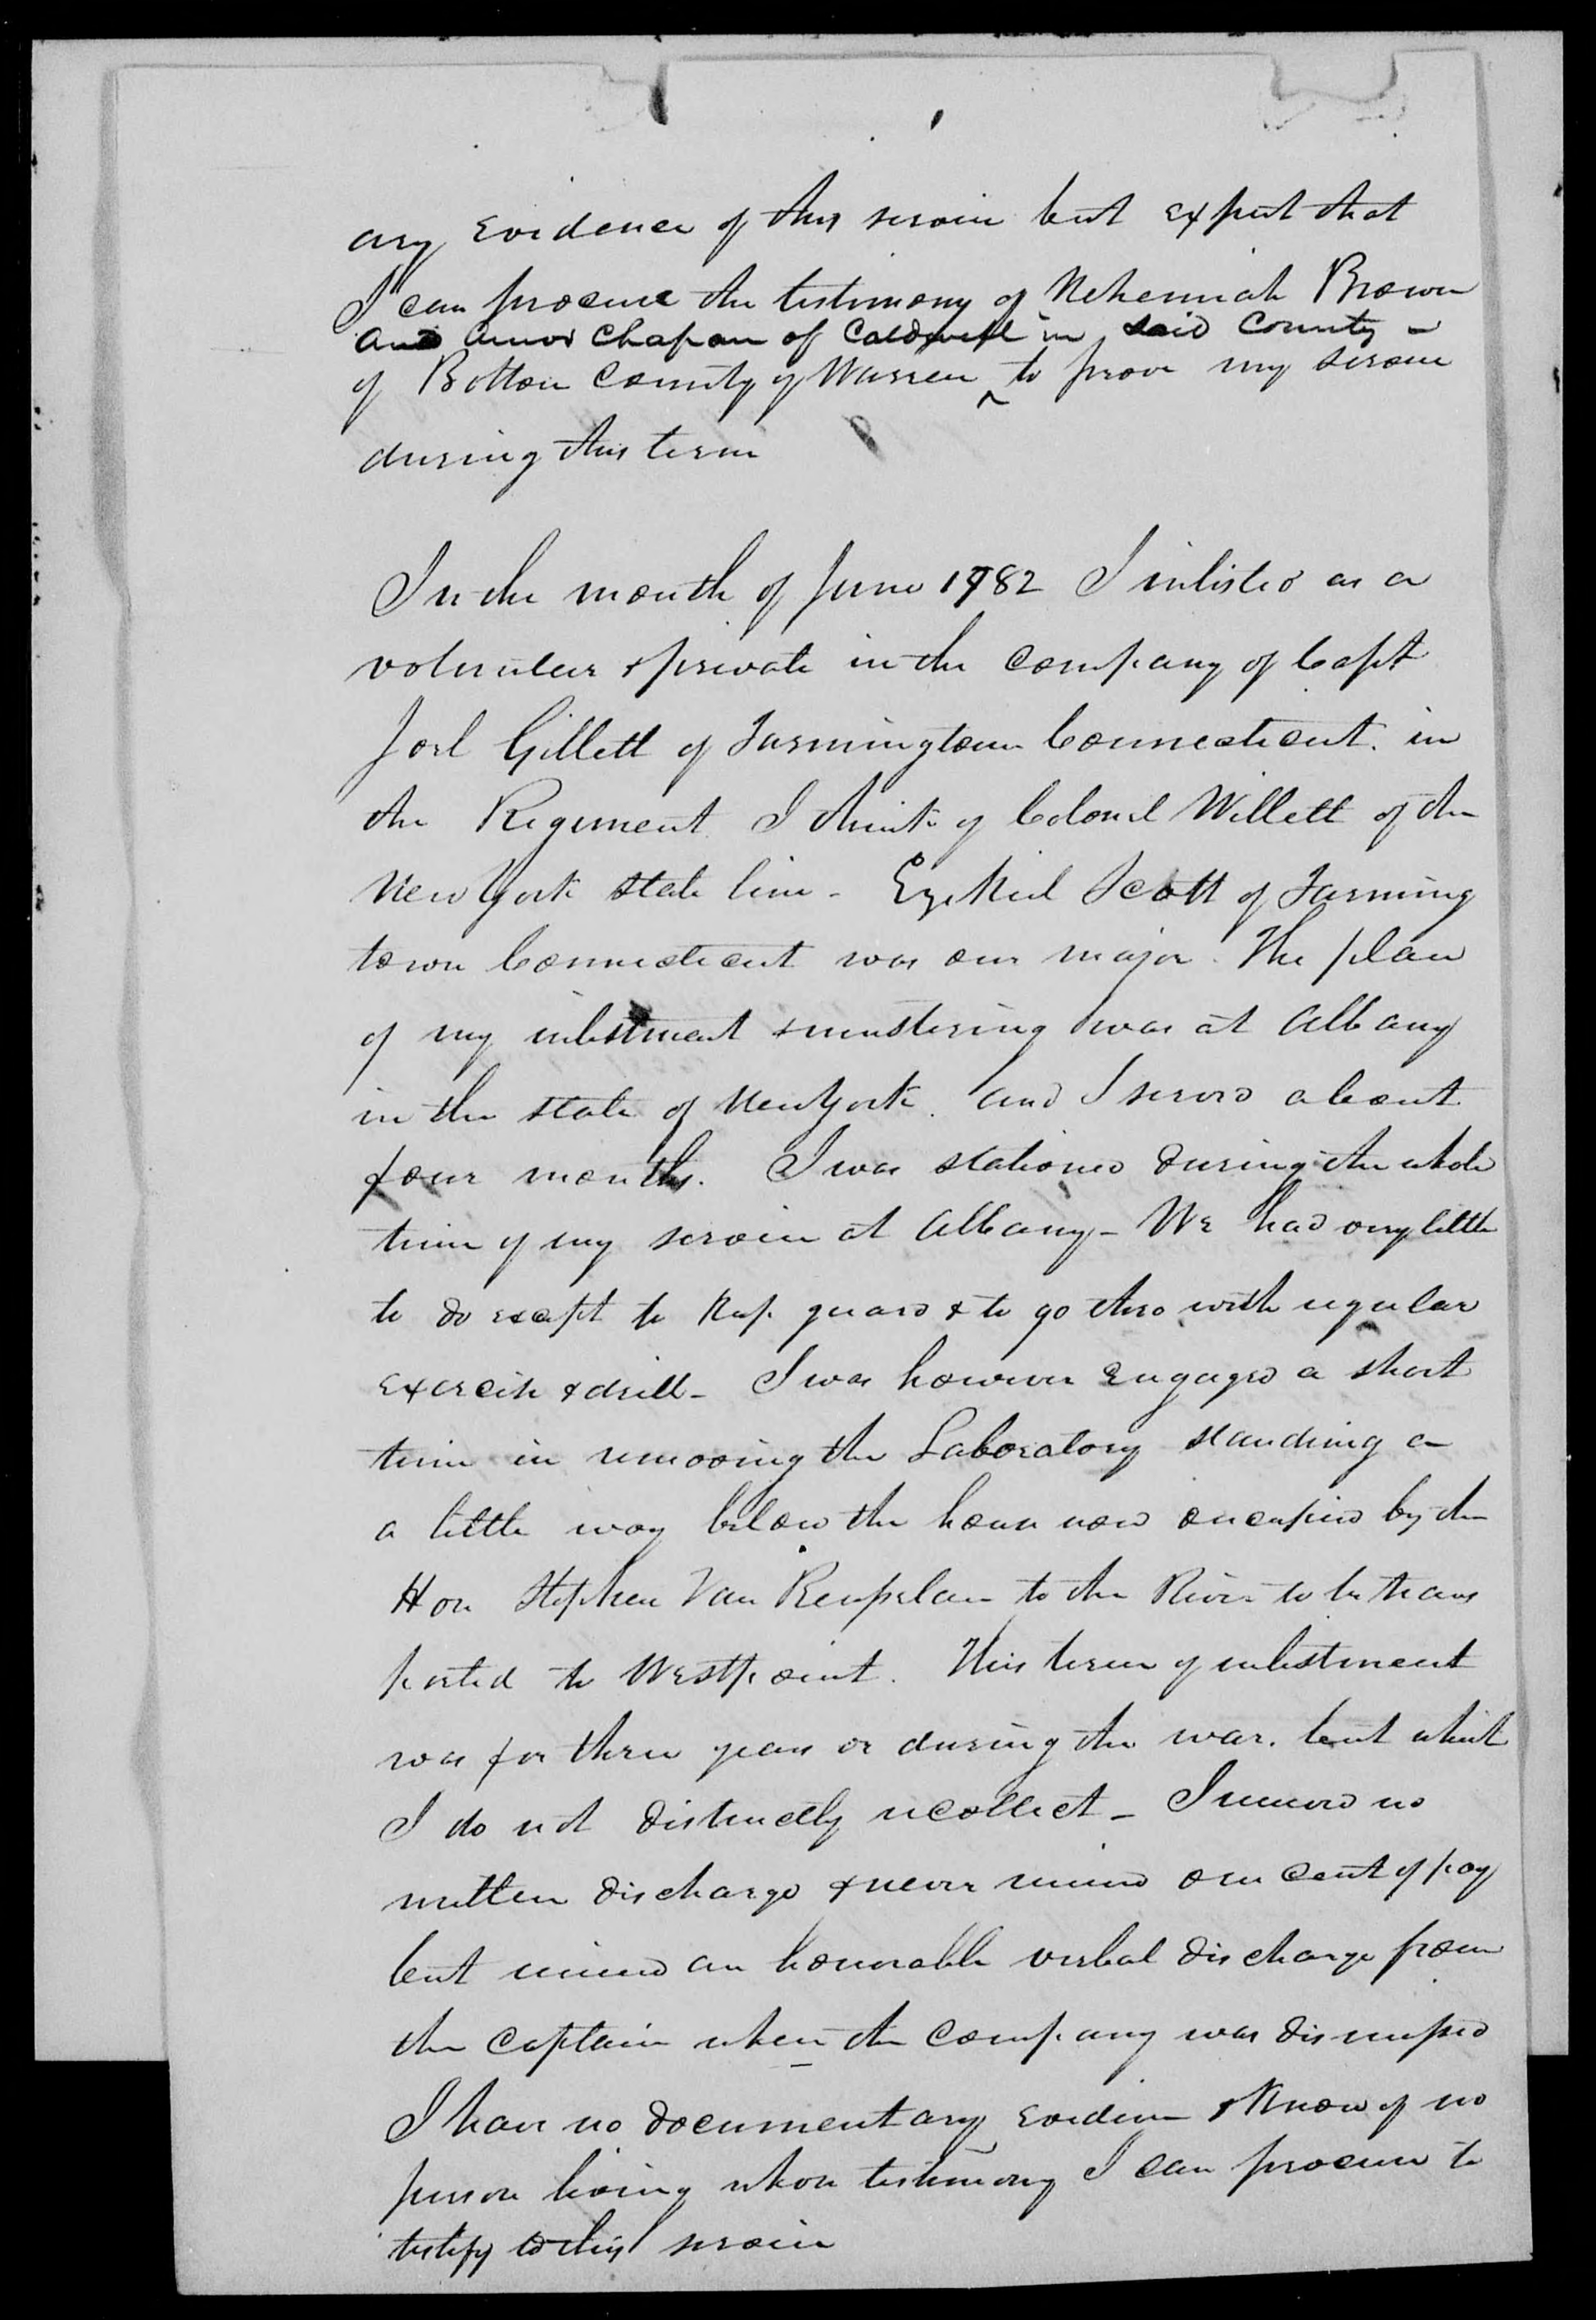evidence of this service but expect that I
can procure the testimony of Nehemiah Brown of Bolton, County of Warren, and Amos Chapman of Caldwell in said County of Warren to prove my service during this term.
In the month of June 1782 I enlisted as a
volunteer & private in the Company of Capt
Joel Gillett of Farmington Connecticut in
the Regiment I think of Colonel Willett of the
New York State line. Ezekiel Scott of Farmingtown Connecticut was our Major. The place of my enlistment & mustering was at Albany in the State of New York and I served about four months. I was stationed during the whole time of my service at Albany. We had little to do except to keep guard & to go thru with regular exercise & drill. I was however engaged a short time in removing the Laboratory standing a a little way below the house now occupied by the Hon Stephen Van Rensselaer to the River to be transported to West Point. This term of enlistment was for three years or during the war, but which 
I do not distinctly recollect-
I received no written discharge & never received one cent of pay but received an honorable verbal discharge from the captain when the company was dismissed.
I have no documentary evidence & know of no
person living whose testimony I can procure to
testify to this service.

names: Stephen Van Rensselaer; Ezekiel Scott; Joel Gillett; [BLANK] Willett; Amos Chapan; Nehemiah Brown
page: 9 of 23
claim: survivor's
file: S. 14,229, for Robert Pratt, New York